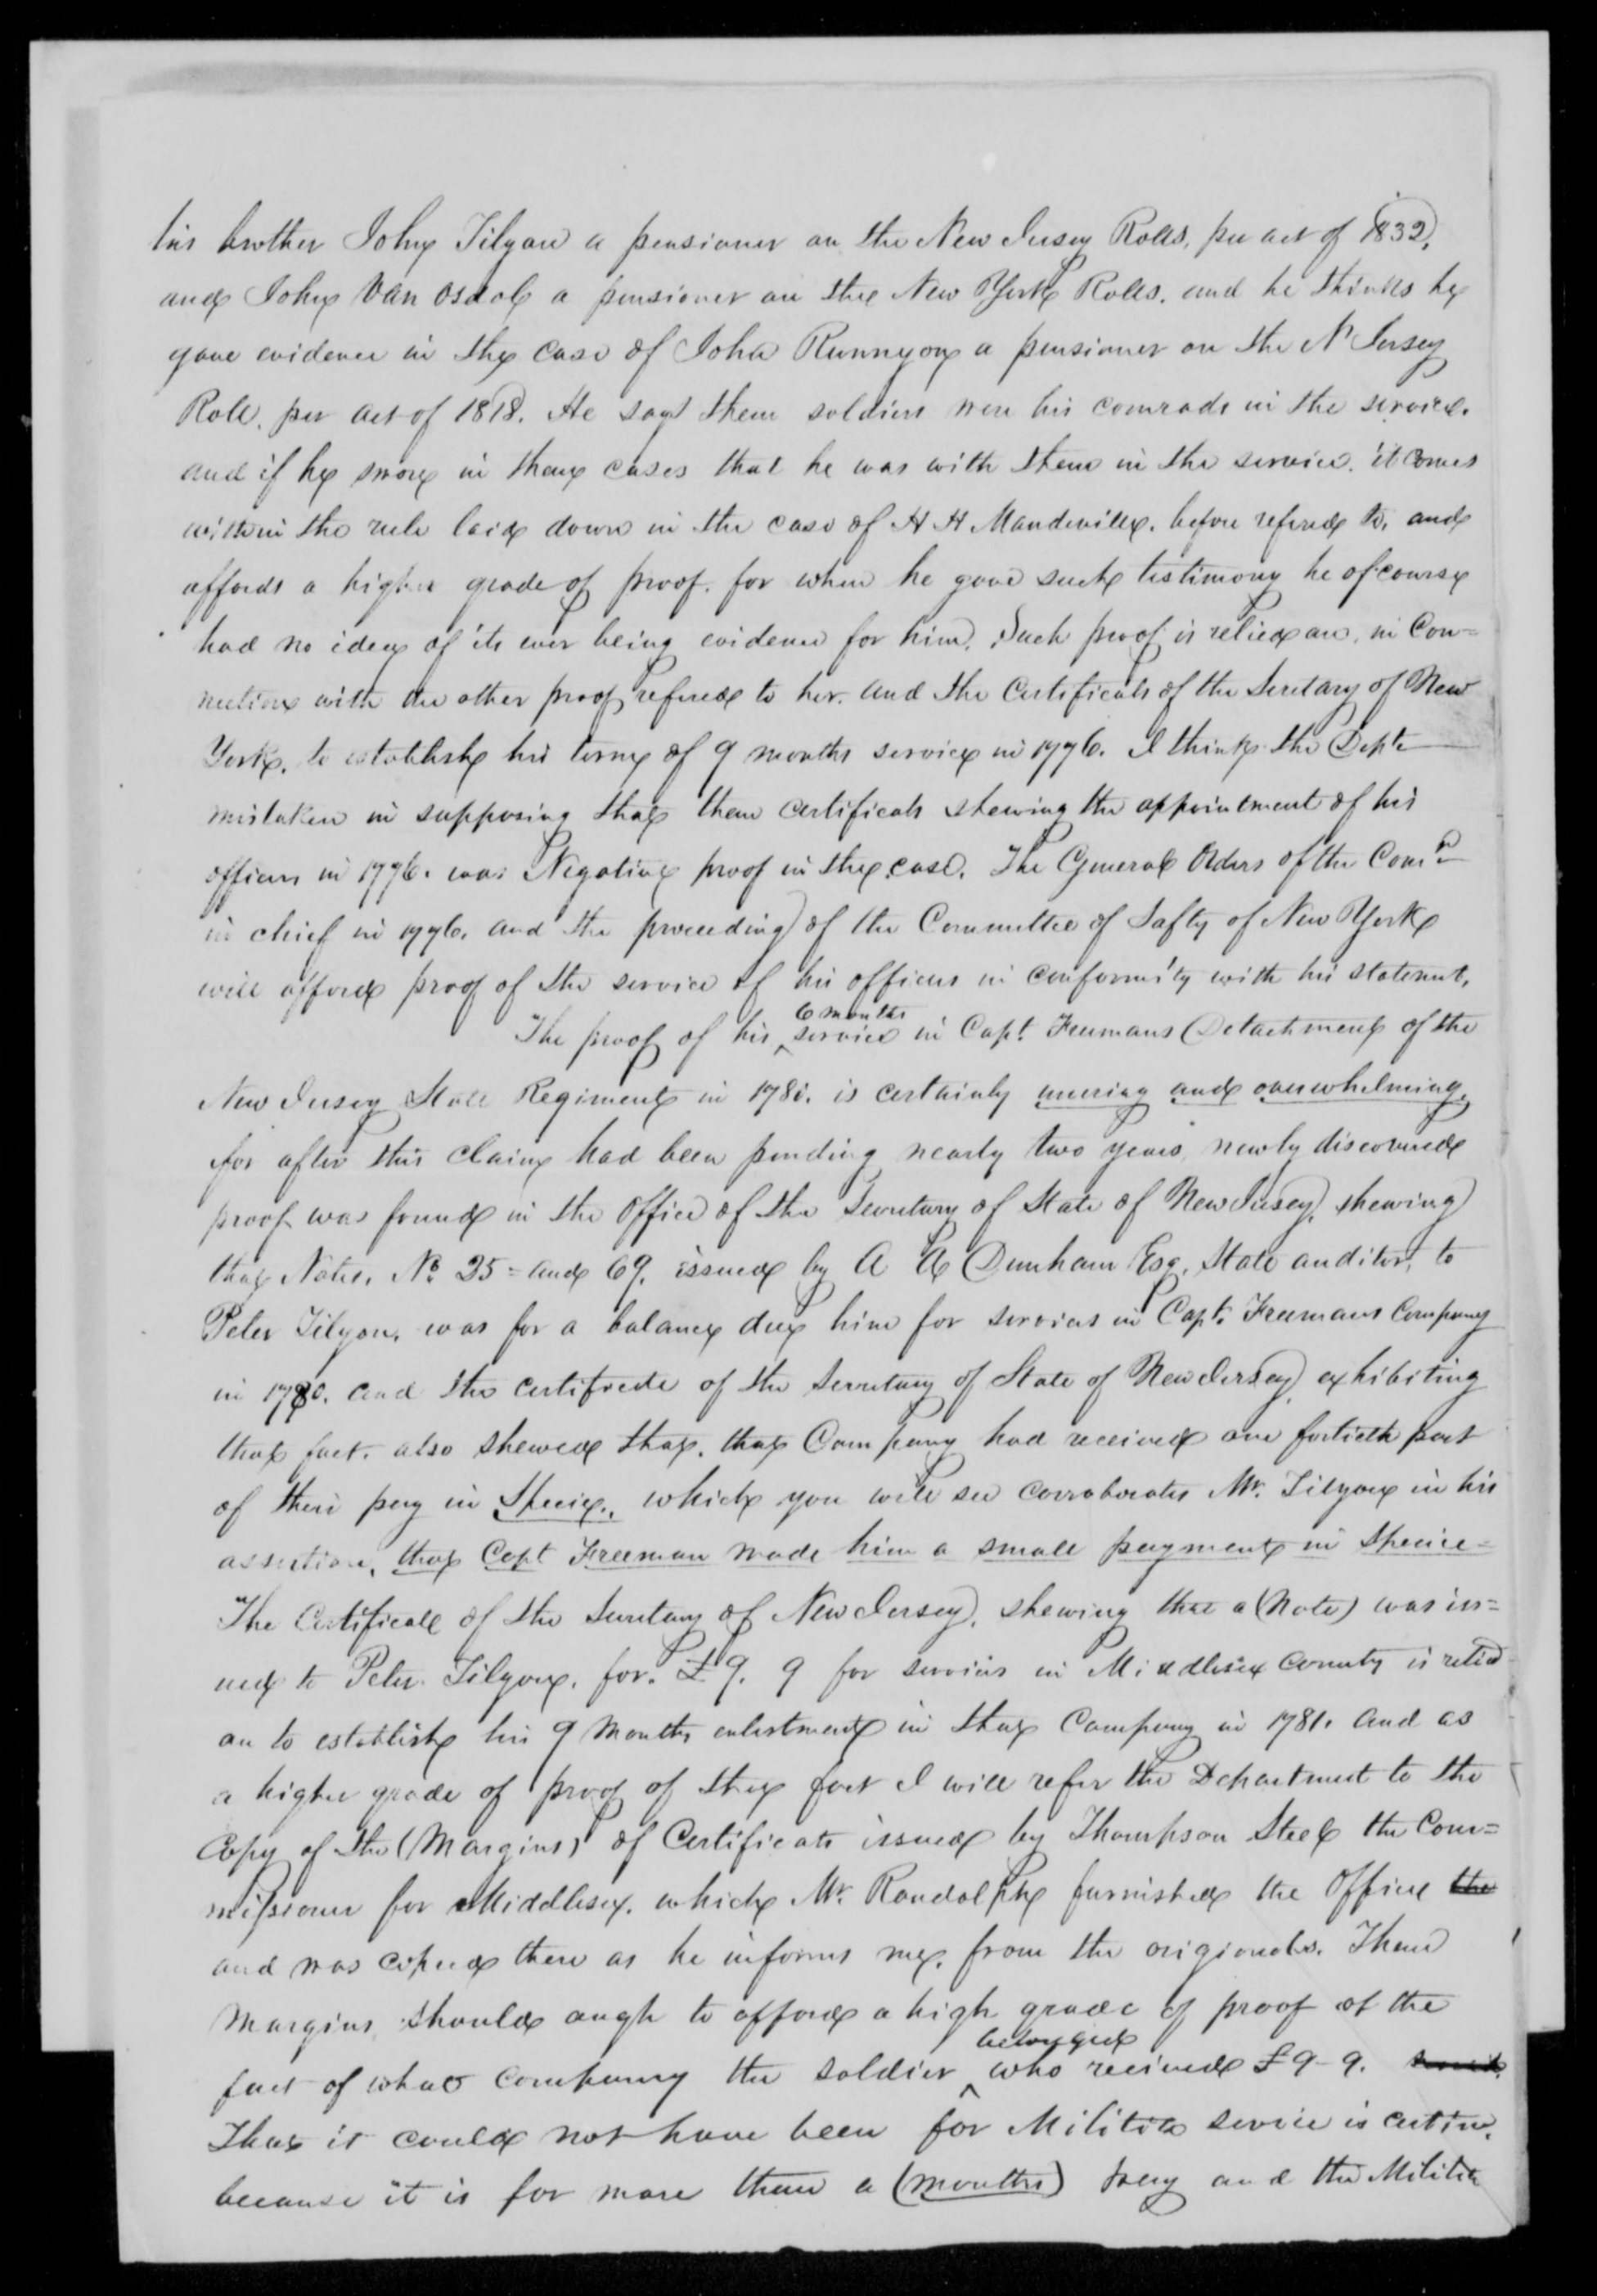his brother John Tilyou a pensioner in the New Jersey Rolls, per Act of 1832, and John VanOsdol a pensioner in the New York Rolls, and he thinks he gave evidence in the case of John Runnyon a pensioner on the N JerseyRoll per Act of 1818. He said them soldiers were his comrads [comrades] in the service and if he swore in their cases that he was with them in the service. it comes within the rule laid down in the case of H.H. Mandeville before refered [referred] to and affords a higher grade of proof for  when he gave such testimony he of course had no idea of it ever being evidence for him. Such proof is relied on in connection with the other proof refered [referred] to here. And the Certificate of the Secretary of New York to establish his term of 9 months service in 1776. I think the Dept mistaken in supposing that the certificate shewing the appointment of his officers in 1776, was Negative proof in this case. The General Order of the Com in chief in 1776, and the proceeding of the Committe [Committee] of Safety of New York will afford proof of the service of his officers in conformity with his statement.
The proof of his ^ 6 months service in Capt Freemans Detachment of the New Jersey State Regiment in 1780. is certainly [?ring] and overwhelming for after this claim had been pending nearly two years, newly discovered proof was found in the office of the Secretary of State of New Jersey shewing That Notes No. 25 and 69. issued by AA Dunham Esq. State auditor, to Peter Tilyou was for a balance due him for  services in Capt. Freemans Company in 1780. And this certificate of the Secretary of State of New Jersey exhibiting that fact also shewed that that Company had received one fortieth part of their pay in Specie, which -you will see corroborates Mr. Tilyou in his assertion that Capt Freeman made him a small payment in Specie -
The Certificate of the Secretary of New Jersey shewing that a (Note) was issued to Peter Tilyou for £9.9 for services in Middlesex County is relied on to establish his 9 month enlistment in that Company in 1781. And as a higher grade of proof of this fact I will refer the Department to the copy of the (Margins) of Certificate issued by Thompson Steel the Commissioner for Middlesex which Mr. Randolph furnishes the office and was copied there as he informs me from the originals. These margins should augh[t] to afford a high grade the of proof of the fact of what company the soldier ^ [belongist?] who received £9.9 . That it could not have been for Militia service is certain because it is for more than a (months) pay and the Militia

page: 65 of 101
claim: widow's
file: W. 25481, for Peter V Tilyou, New Jersey